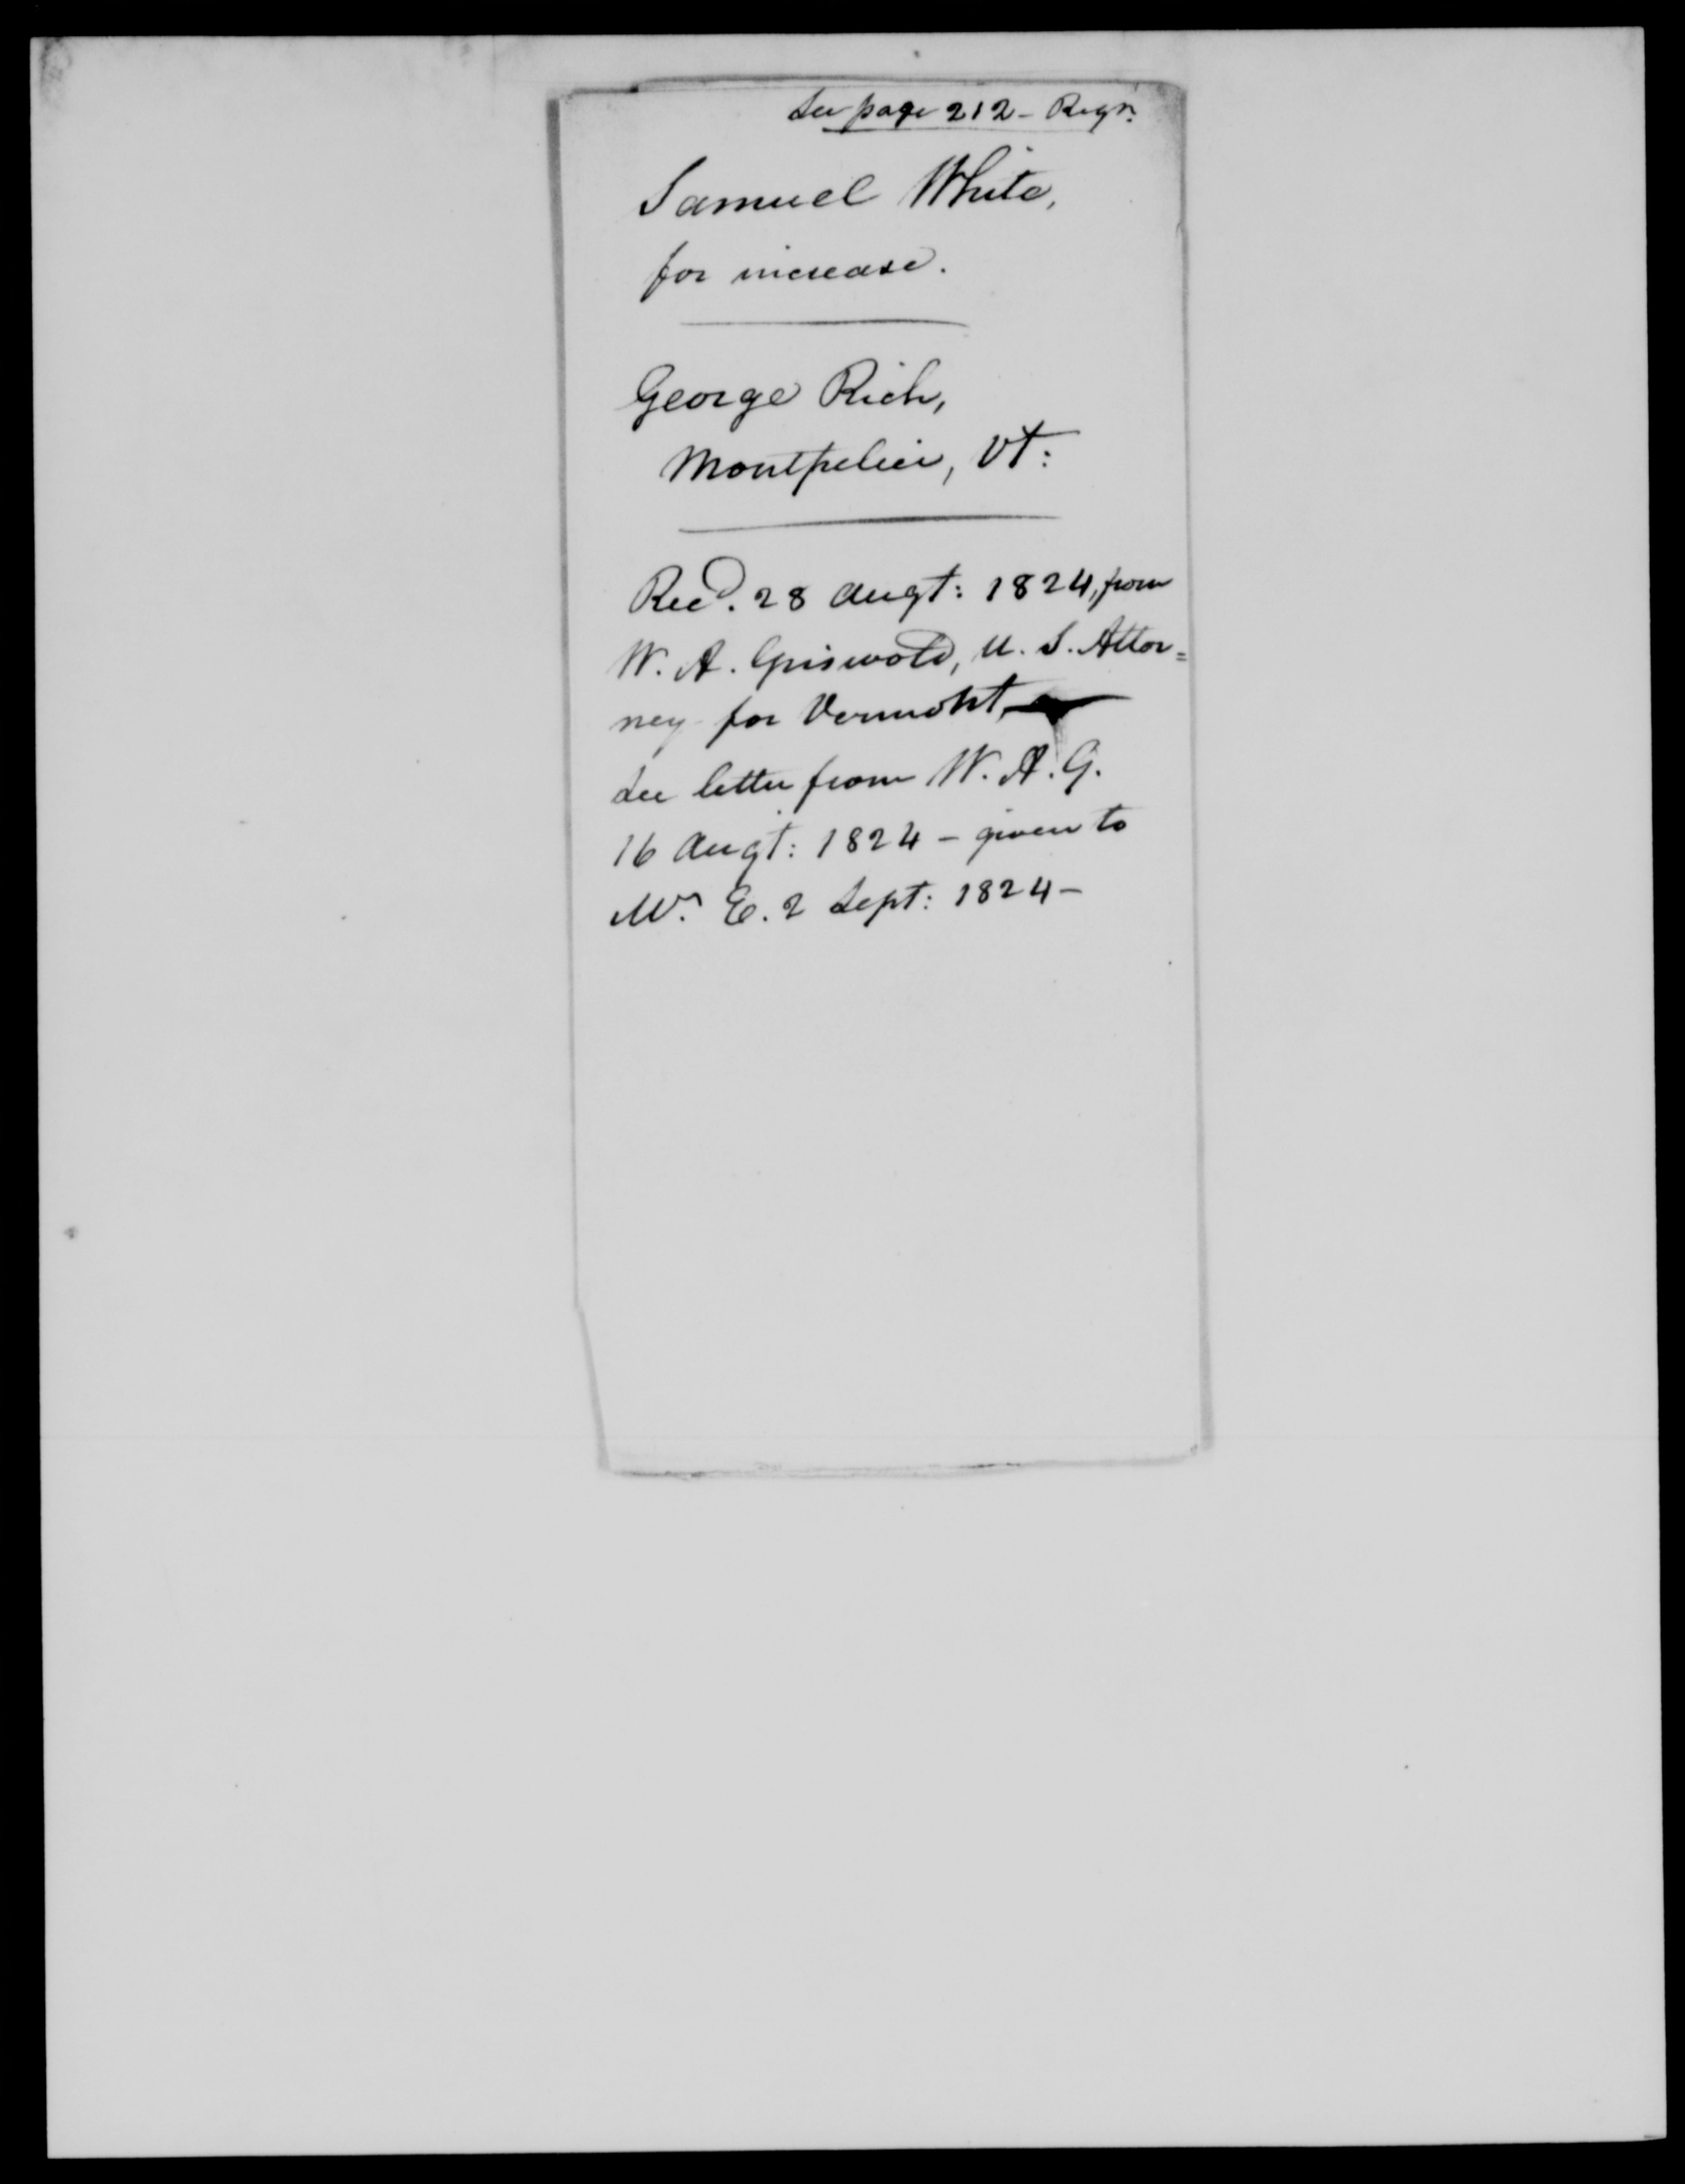See page 212 Regr.
Samuel White
for increase

George Rich
Montpelier, Vt.

Recd. 28 Augt. 1824 from W. A. Griswold, U. S. Attorney for Vermont
See letter from W. A. G. 16 Augt. 1824 given to W. E. 2 Sept. 1824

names: George Rich, Samuel White, W A Griswold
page: 20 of 79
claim: survivor's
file: S. 11759, Samuel White, Mass.